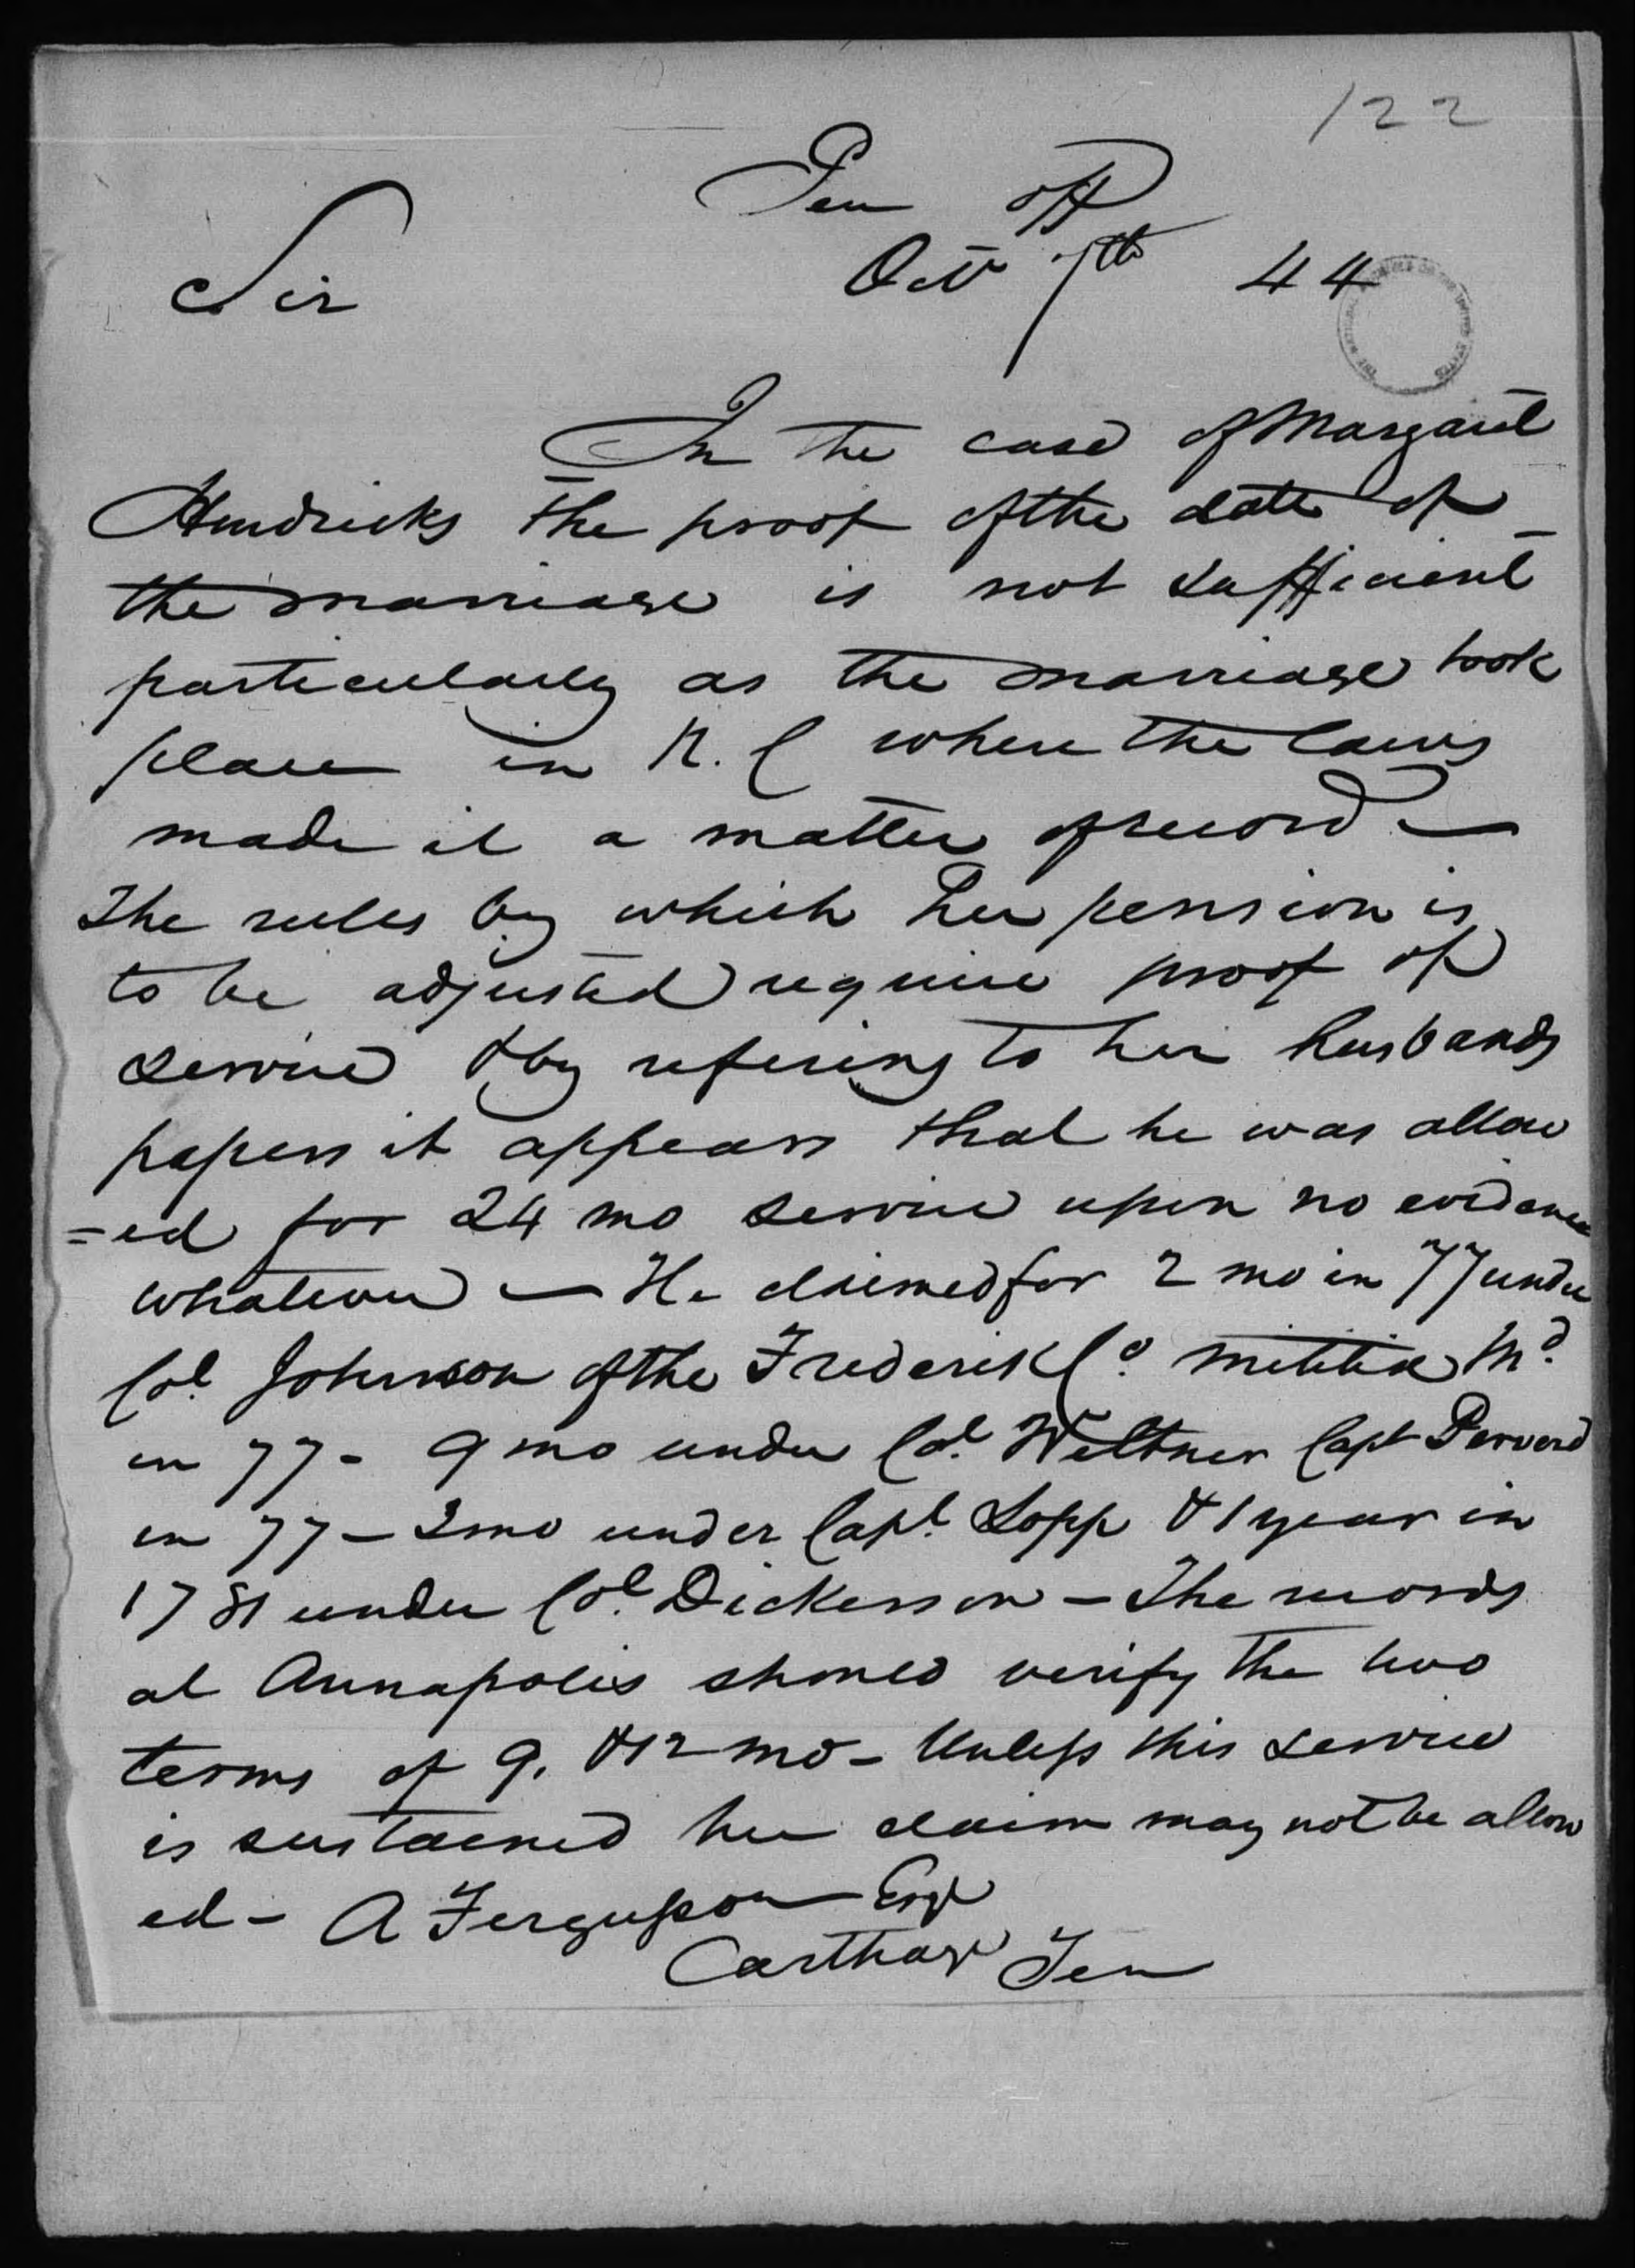122
Pen Off
Octr 7th 44 
[Circular stamp of National Archives]
THE NATIONAL ARCHIVES OF THE UNITED STATES

Sir

In the case of Margaret 
Hendricks the proof of the date of 
the marriage is not deficient 
particularly as the marriage took 
place in N. C where the laws 
made it a matter of record. 
The rules by which her pension is 
to be adjusted require proof of 
service & by referring to her husbands 
papers it appears that he was allow
ed for 24 mo service upon no evidence 
whatever.  He claimed for 2 mo in 77 under 
Col Johnson of the Frederick Co militia Md
in 77-9 mo under Col. Weltner Capt Perverd 
in 77-2 months under Capt Lopp & 1 year in 
1781 under Col. Dickerson.  The records 
at Annapolis should verify the two 
terms of 9 & 12 mo. Unless this service 
is sustained her claim may not be allow
ed.
A Fergusson Esqr
Carthage
Ten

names: Dickerson, Weltner, A Fergusson, Margaret Hendricks, Johnson, Lopp, Perverd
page: 49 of 76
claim: widow's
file: W. 83, Albert Hendricks, Continental Md. N.C.